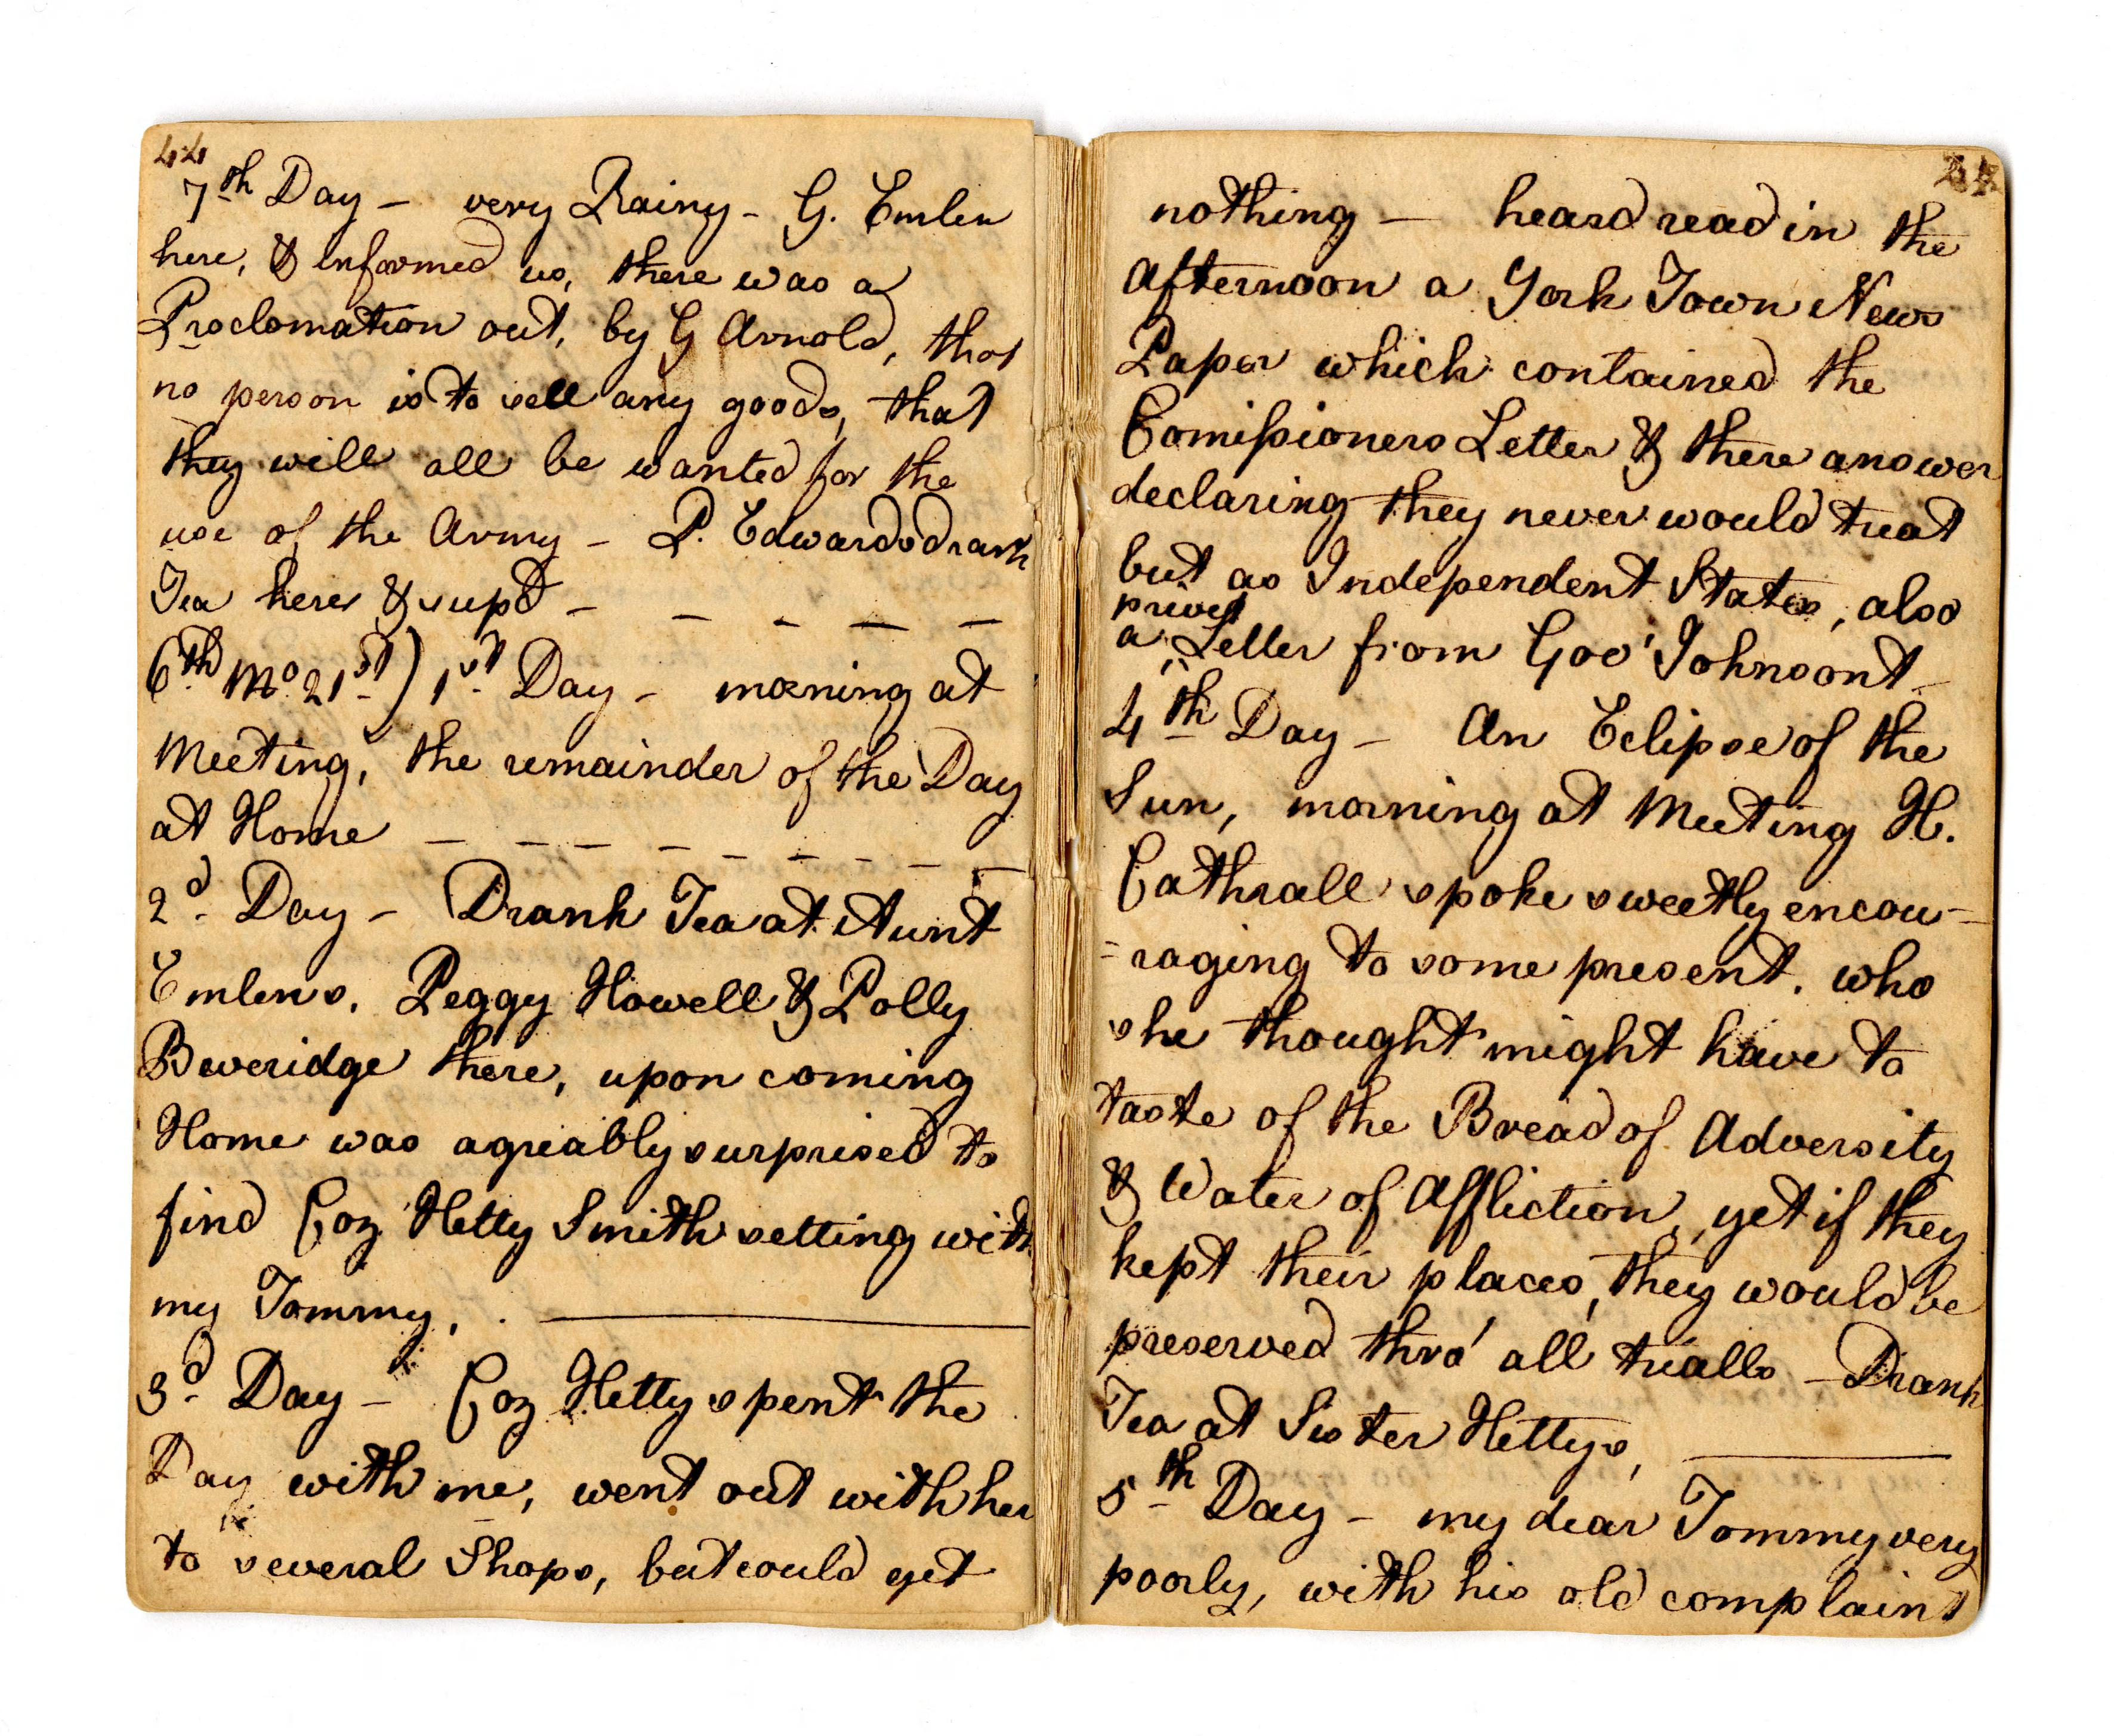44
7^th Day- very Rainy- G. Emlen
here, & informed us, there was a
Proclamation out, by G Arnold, that
no person is to sell any goods, that
they will all be wanted for the
use of the Army- P. Edwards drank
Tea here & supd-
6^th M^o 21^st) 1^st Day- morning at
Meeting, the remainder of the Day
at Home----
2^d. Day- Drank Tea at Aunt
Emlens, Peggy Howell & Polly
Beveridge there, upon coming
Home was agreably surprised to
find Coz Hetty Smith setting with
my Tommy.
3^d. Day- Coz Hetty spent the
Day with me, went out with her
to several Shops, but could yet
47
nothing- heard read in the
Afternoon a York Town News
Paper which contained the
Comissioners Letter & there answer
declaring they never would treat
but as Independent States, also
privet
a ^ Letter from Gov Johnsont-
4^th Day- An Eclipse of the
Sun, morning at Meeting H.
Cathrall spoke sweetly encou-
-raging to some present. who
she thought might have to
taste of the Bread of Adversity
& Water of Affliction, yet if they
kept their places, they would be
preserved thro' all trialls,- Drank
Tea at Sister Hettys,-
5^th Day- my dear Tommy very
poorly, with his old complaint